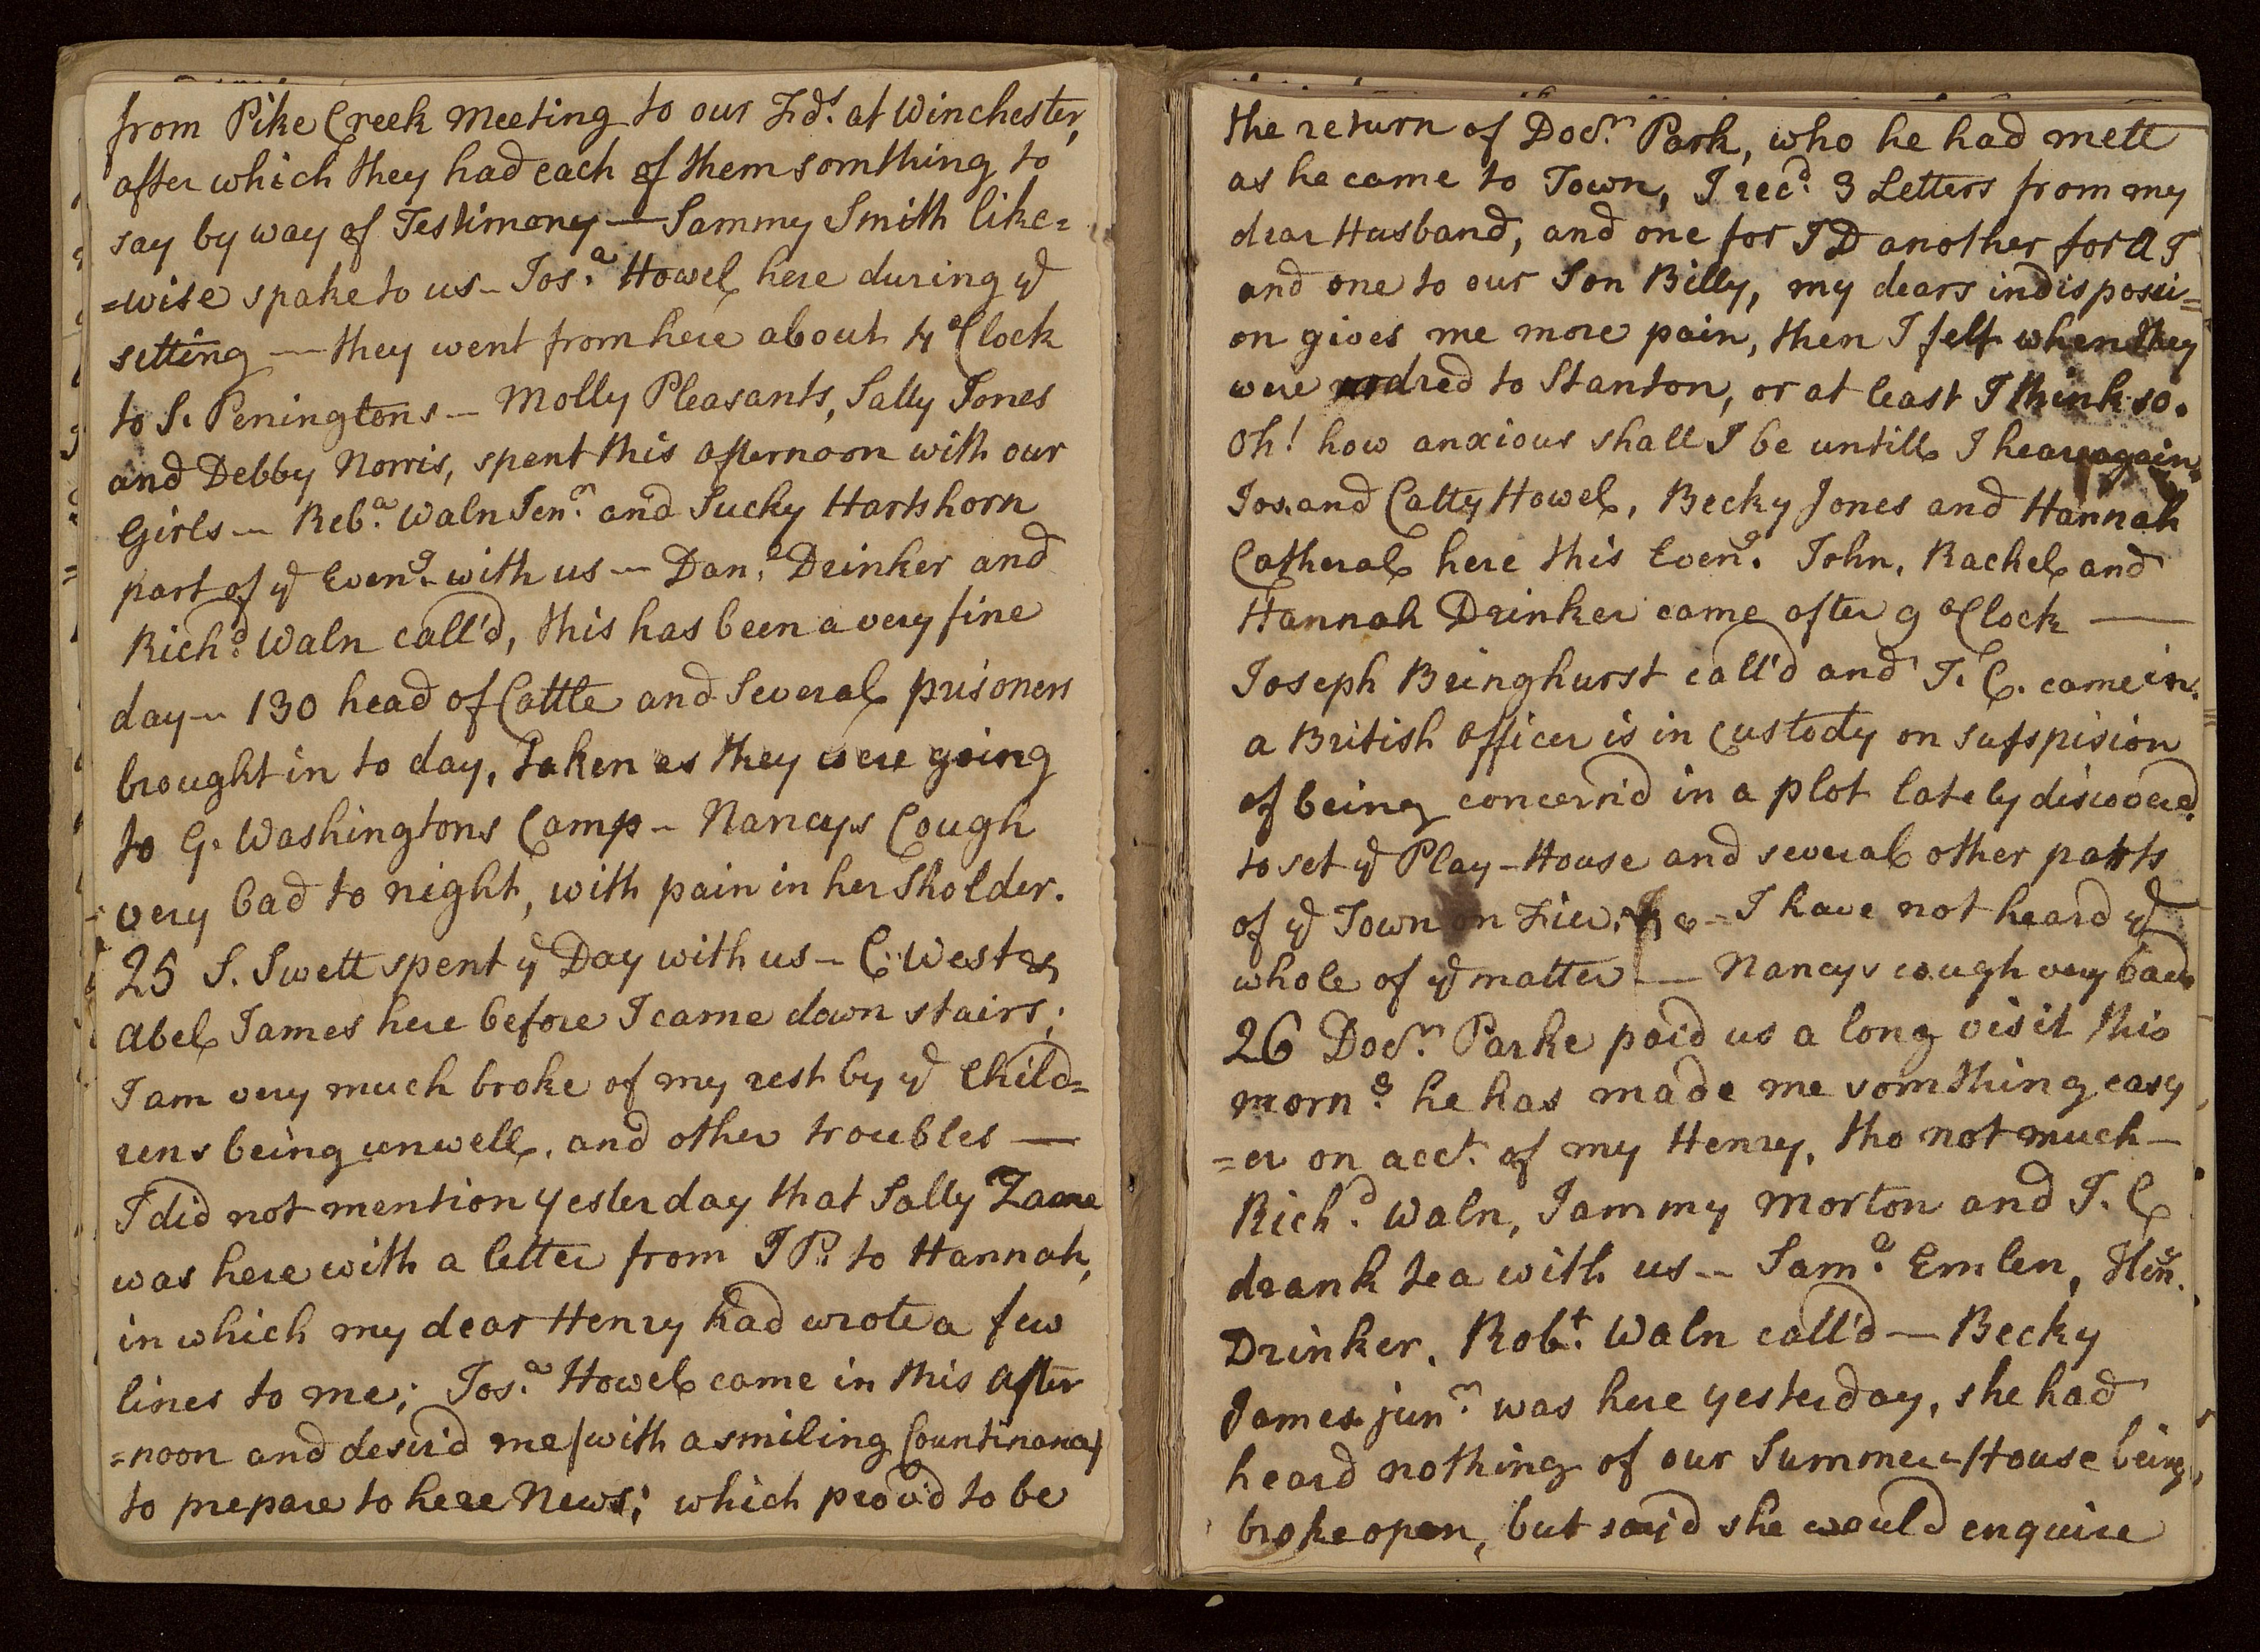from Pike Creek meeting to our Fd^s. at Winchester,
after which they had each of them somthing to
say by way of Testimony- Sammy Smith like-
-wise spoke to us- Jos^a. Howel here during y^e
sitting- they went from here about 4 ^o Clock
to S. Peningtons- Molly Pleasants, Sally Jones
and Debby Norris, spent this Afternoon with our
Girls- Reb^a. Waln Sen^r. and Sucky Hartshorn
part of y^e Even^g. with us- Dan^l. Drinker and
Rich^d. Waln call'd, this has been a very fine
day- 130 head of Cattle and Several prisoners
brought in to day. Taken as they were going
to G. Washingtons Camp- Nancys Cough
very bad to night, with pain in her sholder.
25 S. Swett spent y^e Day with us- C West &
Abel James here before I came down stairs;
I am very much broke of my rest by y^e child-
rens being unwell, and other troubles-
I did not mention yesterday that Sally Zane
was here with a letter from JP. to Hannah,
in which my dear Henry had wrote a few
lines to me; Jos^a. Howels came in this after
-noon and desir'd me /with a smiling Countinance/
to prepare to here news; which proud to be
the return of Doc^r. Park, who he had mett
as he came to Town, I rec^d. 3 Letters from my
dear Husband, and one for JD another for A[T]
and one to our Son Billy, my dears indisposi-
on gives me more pain, then I felt when they
were ordred to Stanton, or at least I think so.
Oh! how anxious shall I be untill I hear again
Jos. and Catty Howel, Becky Jones and Hannah
Catheral here this Even^g. John, Rachel, and
Hannah Drinker came after 9 ^o Clock
Joseph Beinghurt call'd and J.C. came in
a British officer is in custody on susspision
of being concerned in a plot late by discoverd
to set y^e Play- House and several other parts
of y^e Town on Fier. &c I have not heard y^e
whole of y^e matter- Nancys cough very bad
26 Doc.^r Parke paid us a long visit this
morn.^g he has made me somthing easy
-er on acc^t. of my Henry, tho not much-
Rich^d. Waln, Tammy Morton and J.C
drank tea with us- Sam^l. Emlen, Hen^y
Drinker, Rob^t. Waln call'd- Becky
James jun^r was here yesterday, she had
heard nothing of our Summer-House being
broke open, but said she would enquire